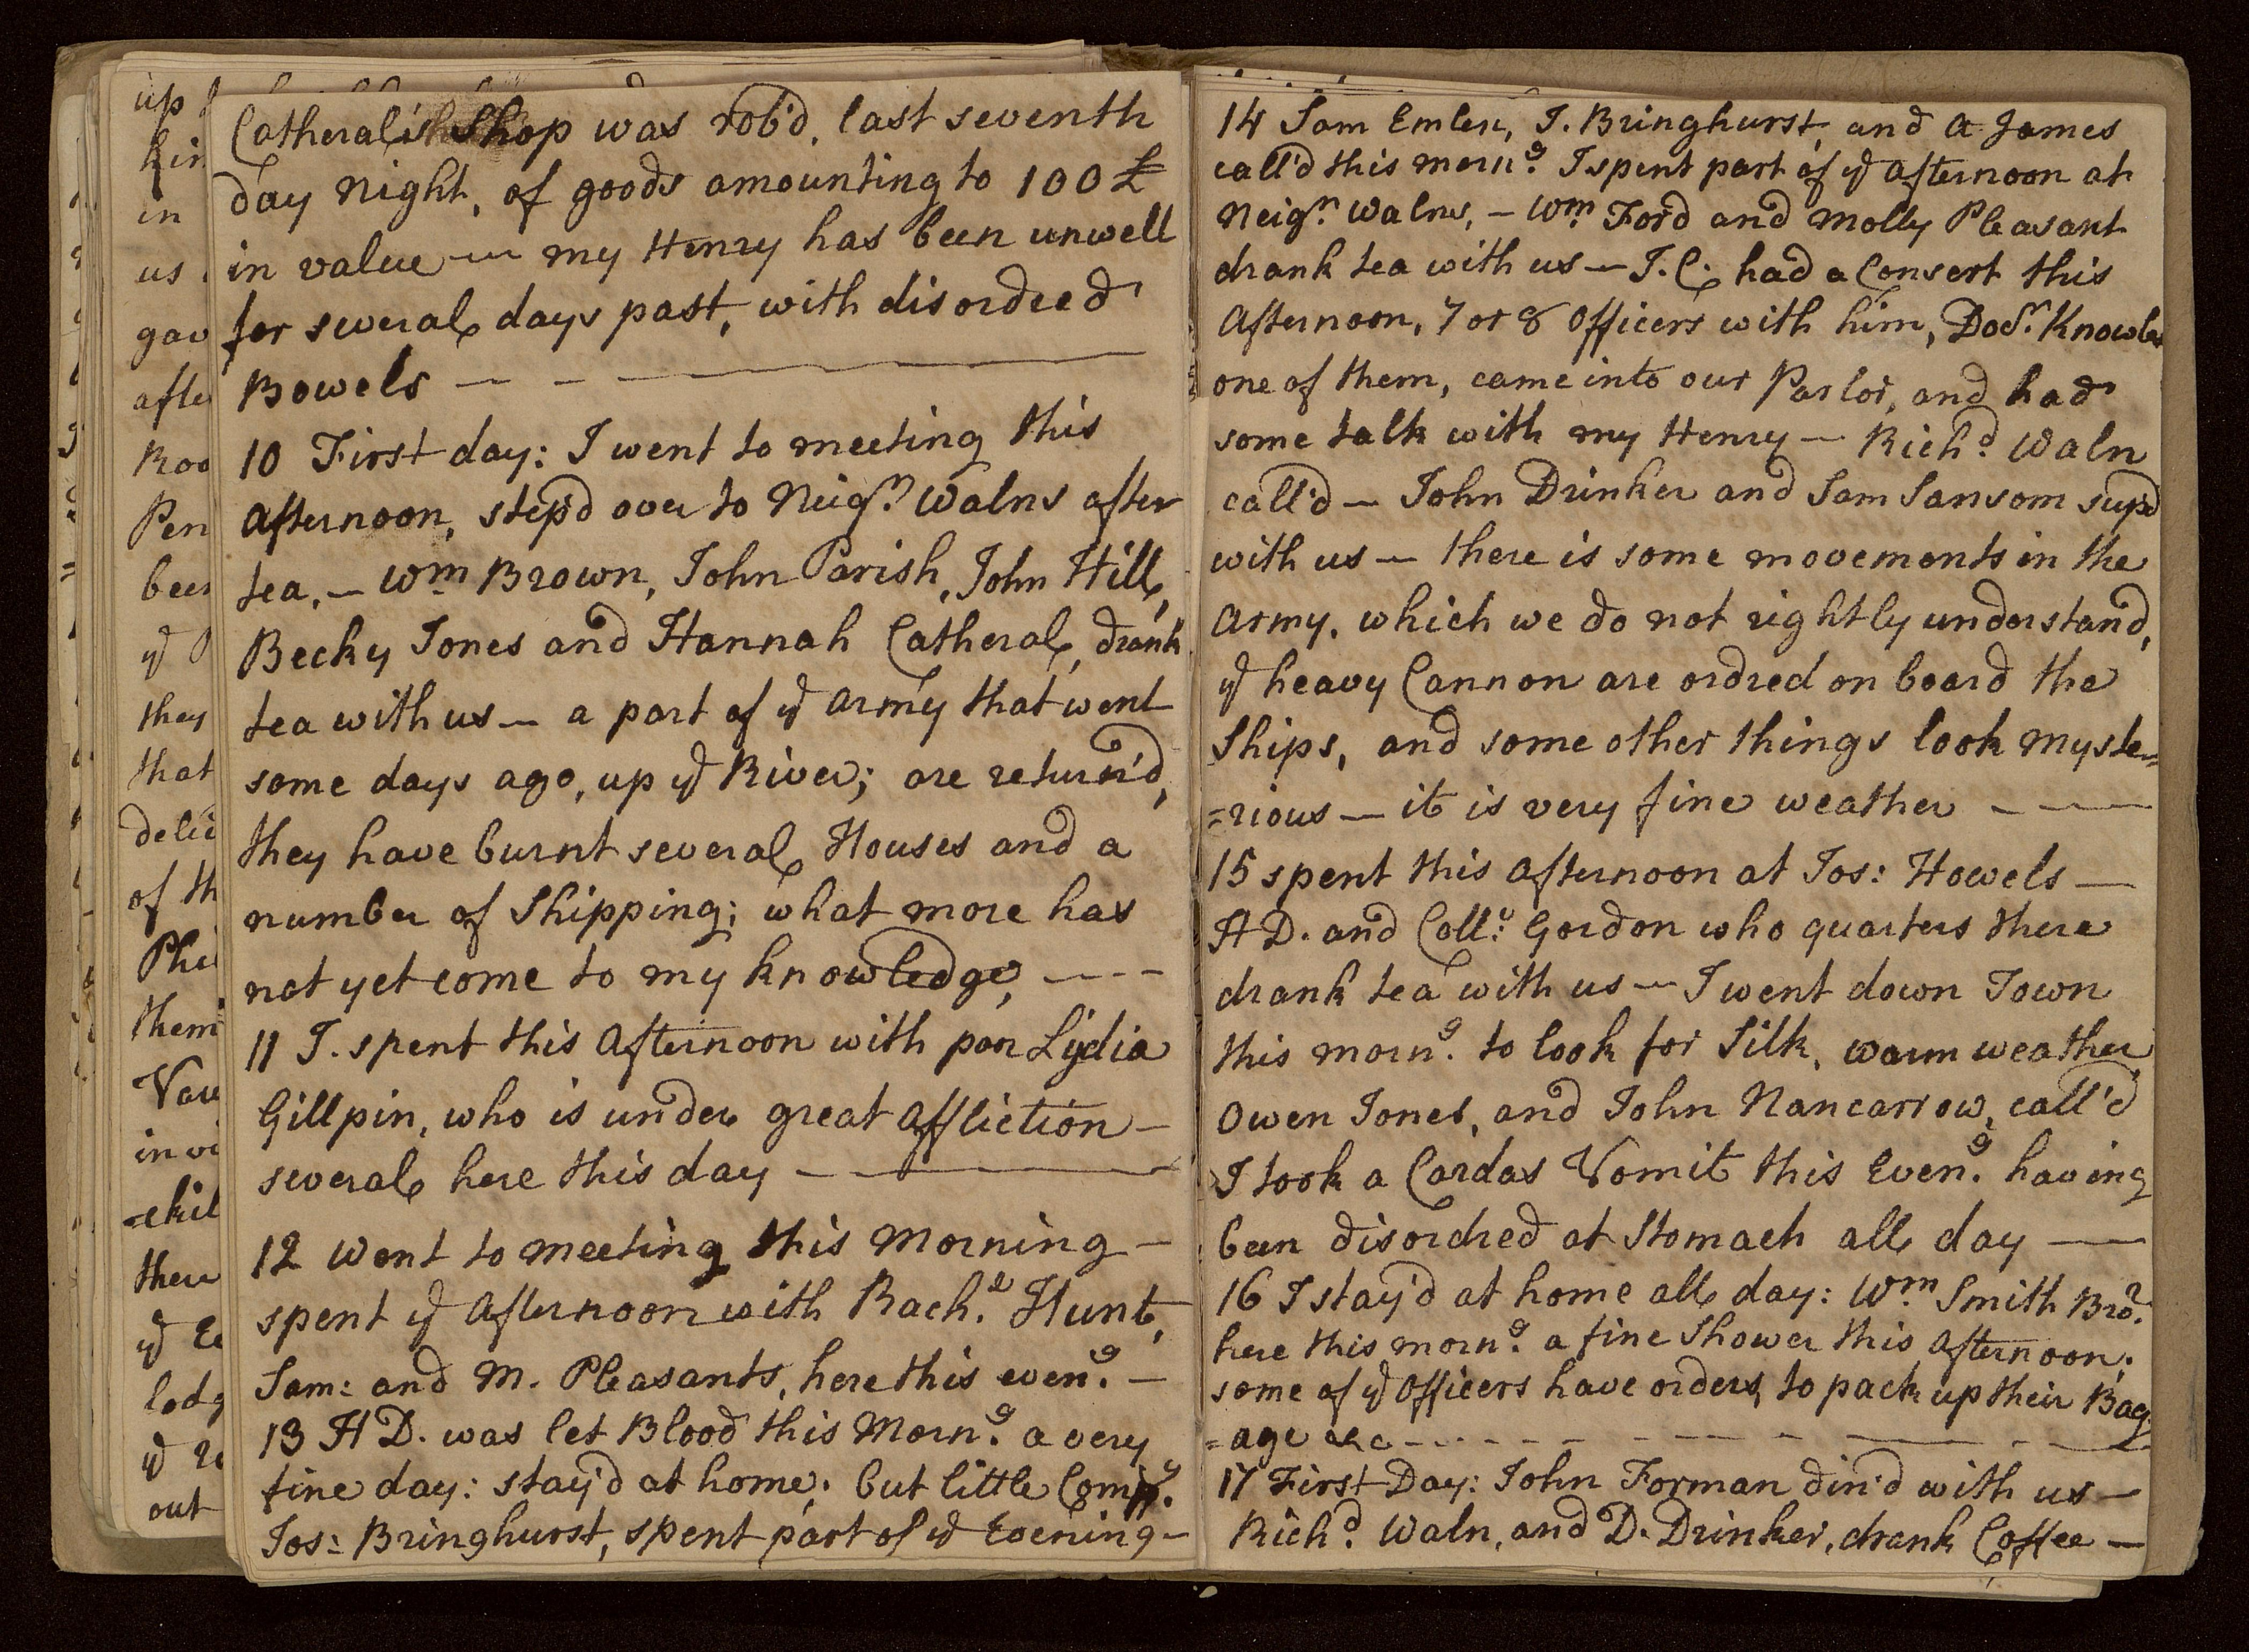Catheral's Shop was rob'd, last seventh
day Night, of goods amounting to 100 £
in value- my Henry has been unwell
for several days past, with disorderd
Bowels--
10 First day: I went to meeting this
Afternoon, step'd over to Neig^r. Walns after
tea,- W^m Brown, John Parish, John Hill
Becky Jones and Hannah Catheral, drank
tea with us- a part of y^e army that went
some days ago, up y^e River; are return'd,
they have burnt several Houses and a
number of Shipping; what more has
not yet come to my knowledge,---
11 I. spent this afternoon with poor Lydia
Gillpin, who is under great affliction-
several here this day--
12 went to meeting this morning-
spent y^e afternoon with Rach^l. Hunt
Sam: and M. Pleasants, here this even^g.-
13 H D. was let Blood this Morn^g. a very
fine day: stay'd at home; but little Comp^y.
Jos: Bringhurst, spent part of y^e Evening-
14 Sam Emlen, J. Bringhurst and A James,
call'd this morn^g. I spent part of y^e afternoon at
Neig^r. Walns,- W^m. Ford and Molly Pleasant
drank tea with us- J.C. had a Consort this
Afternoon, 7 or 8 Officers with him, Doc^r. Knowle
one of them, came into our Parlor, and had
some talk with my Henry- Rich^d. Waln
call'd- John Drinker and Sam Sansom sup'd
with us- there is some movements in the
Army, which we do not rightly understand,
y^e heavy Cannon are ordred on board the
Ships, and some other things look myste-
-rious- it is very fine weather--
15 spent this afternoon at Jos: Howels-
HD- and Coll^l: Gordon who quarters there
drank tea with us- I went down Town
this morn^g. to look for Silk, warm weather
Owen Jones, and John Nancarrow, call'd
I took a Cardas Vomit this Even^g. having
been disordred at Stomach all day-
16 I stay'd at home all day: W^m. Smith Bro^r.
here this morn^g. a fine Shower this afternoon;
some of y^e officers have orders, to pack up their Bag
-age &c -----------
17 First Day: John Forman din'd with us-
Rich^d. Waln, and D. Drinker, drank Coffee-